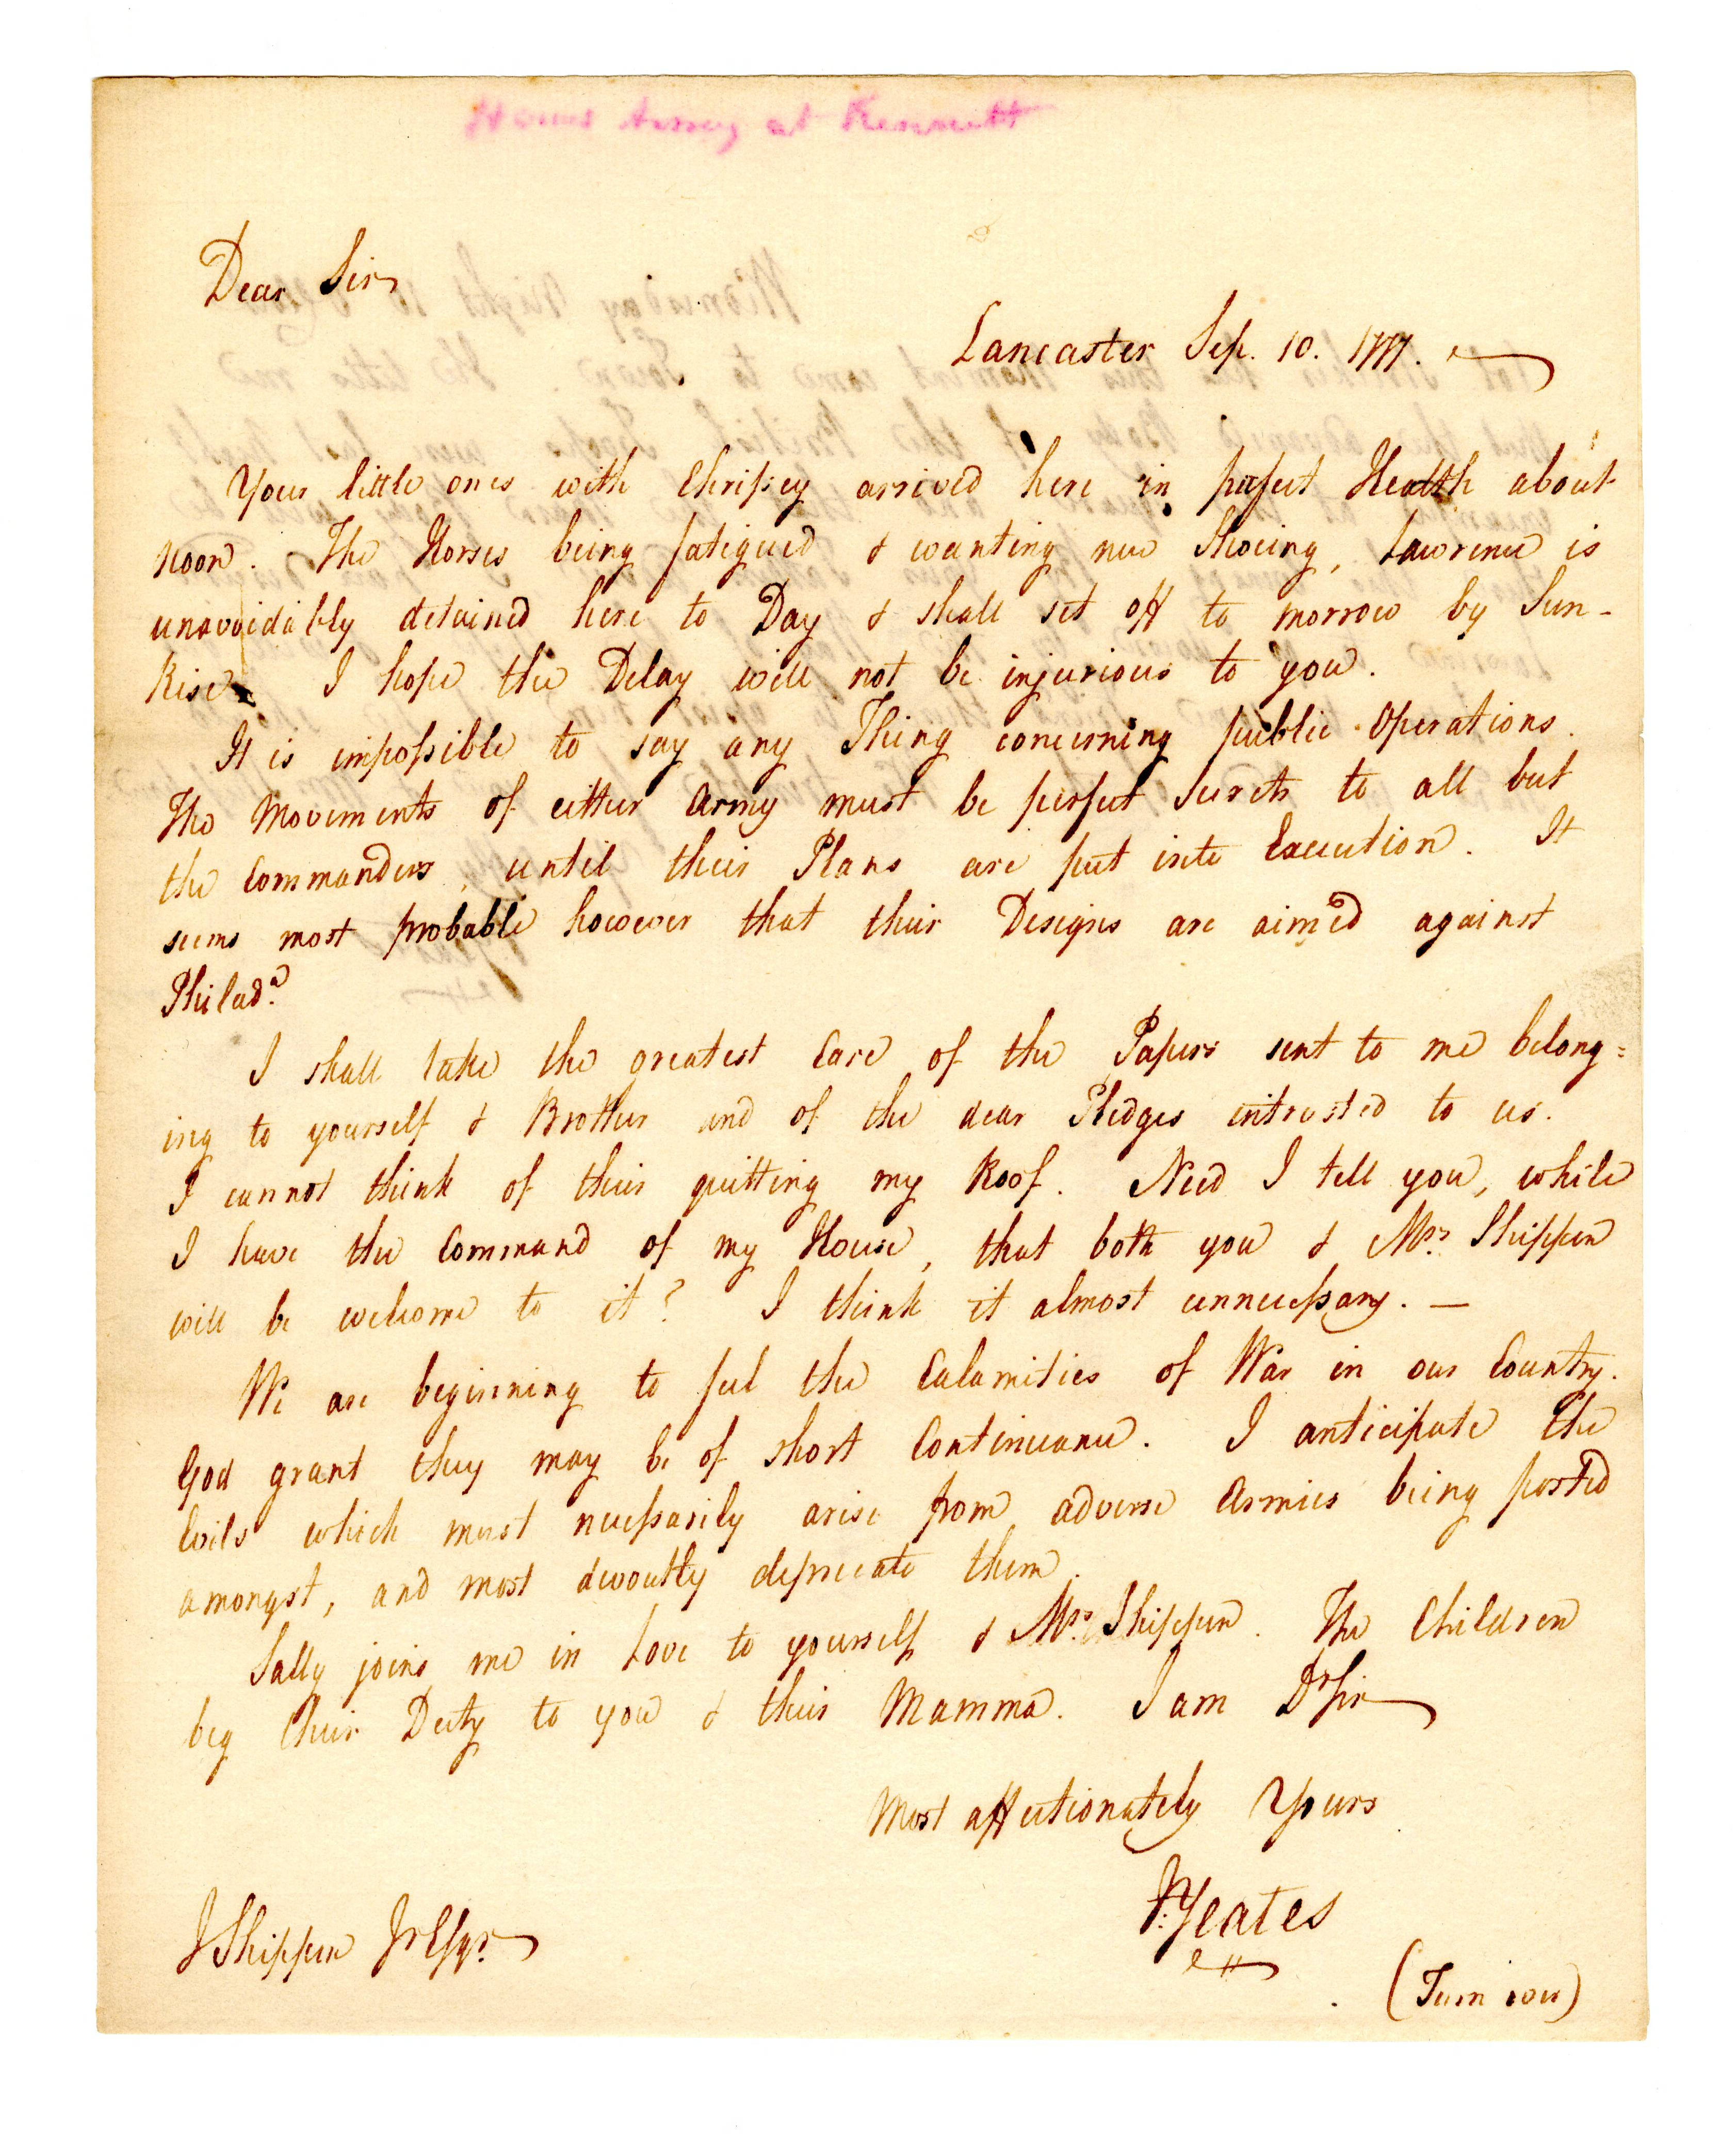Lancaster Sep. 10. 1777.
Dear Sir
Your little ones with Chrissey arrived here in perfect Health about
noon. The Horses being fatigued & wanting new Shoeing, Lawrence is
unavoidably detained here to Day & shall set off to morrow by Sun-
Rise. I hope the Delay will not be injurious to you.
It is impossible to say any Thing concerning public Operations.
Tho Movements of either Army must be perfect secrets to all but
the Commanders until their Plans are put into Execution. It
seems most probable however that their Designs are aimed against
Philad^a.
I shall take the greatest Care of the Papers sent to me belong=
ing to yourself & Brother and of the dear Pledges intrusted to us.
I cannot think of their quitting my Roof. Need I tell you, while
I have the Command of my House, that both of you & M^rs. Shippen
will be welcome to it? I think it almost unnecessary.-
We are beginning to feel the Calamities of War in our Country.
God grant they may be of short Continuance. I anticipate the
Evils which must necessarily arise from adverse Armies being posted
amongst, and most devoutly deprecate them.
Sally joins me in Love to yourself & M^rs. Shippen. The Children
by their Duty to you & their Mamma. I am D^r Sir
Most affectionately Yours
J: Yeates
J Shippen Jr Esq^r.
(Turn over)